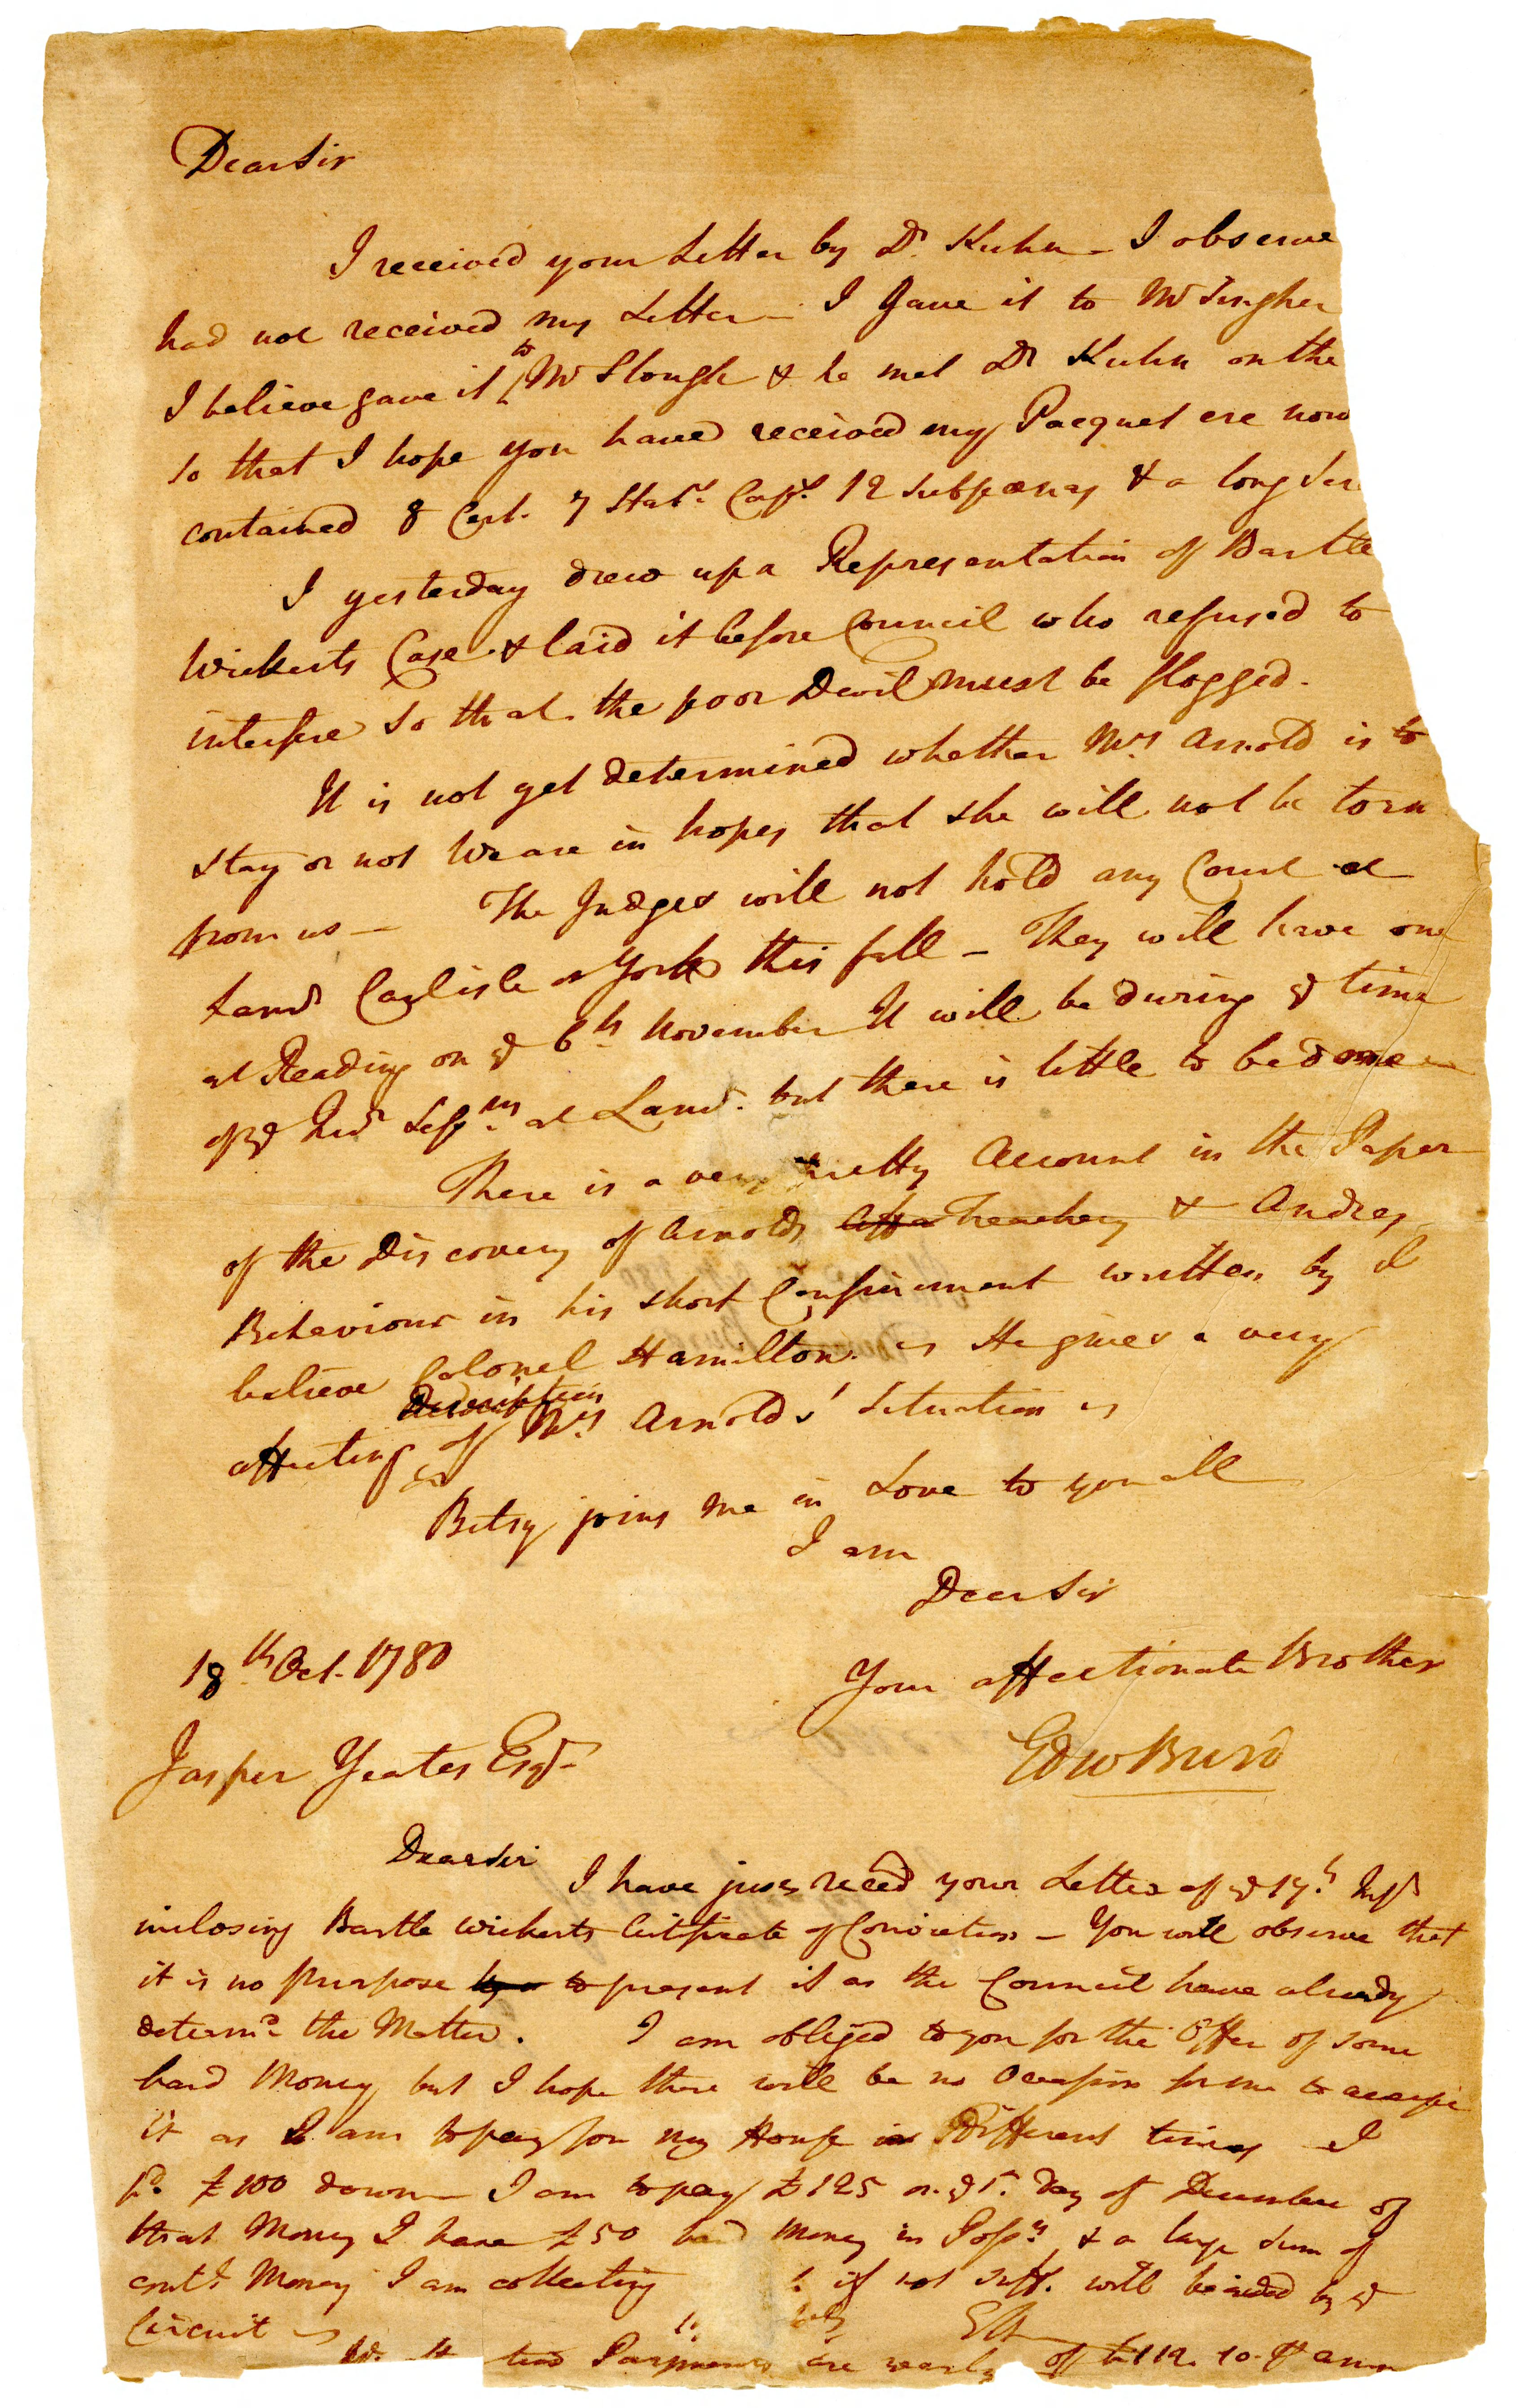Dear Sir
I received your Letter by Dr. Kuhn. I observe
had not received my Letter. I gave it to M^r Singher
I believe gave it ^ M^r Slough & he met D^r Kuhn on the
so that I hope you have received my Pacquet are now
contained & Capt. 7 Har^s. Cap^t. 12 subpoenas & a long Ser
I yesterday drew up a Representation of Battle
Wickerts Cave & laid it before Council who refused to
interfere so that the poor Devil must be flogged.
It is not yet determined whether M^rs. Arnold is to
stay or not We are in hopes that she will not be torn
from us. The Judges will not hold any Court at
Lam^r Carlisle or York this fall. They will have one
at Reading on y^e 6^th November It will be during y^e time
of y^e Qu^t Less^trys. at Land but there is little to be done.
There is a very pretty Account in the Paper
of the Discovery of Arnolds Affair Treachery & Andres
Behaviour in his short Confinement written by I
believe Colonel Hamilton. He gives a very
Description
affecting ^ of Mr^s. Arnolds' Situation.
Betsy joins me in Love to you all
I am
Dear Sir
Your affectionate Brother
Edw Burd
18^th Oct. 1780
Jasper Yeates Esq^r.
Dear Sir
I have just reced your Letter of y^e 14^h Inst.
inclosing Bartle Wickerts Certificate of Conviction. You will observe that
it is no purpose [___] to present it as the Council have already
determ^d. the Matter. I am obliged to you for the Offer of some
hard Money but I hope there will be no Occasion for me to acope
it as I am to pay for my House in different times. I
b^d. £100 down. I am to pay £125 on 21^t day of December of
that Money I have £50 had Money in Poss^n, & a large Sum of
cont^l. Money I am collecting if not suff. will be aided by y^e
Circuit.
EB
We [____] two Par[___]s are yearly of £119.10 per an-